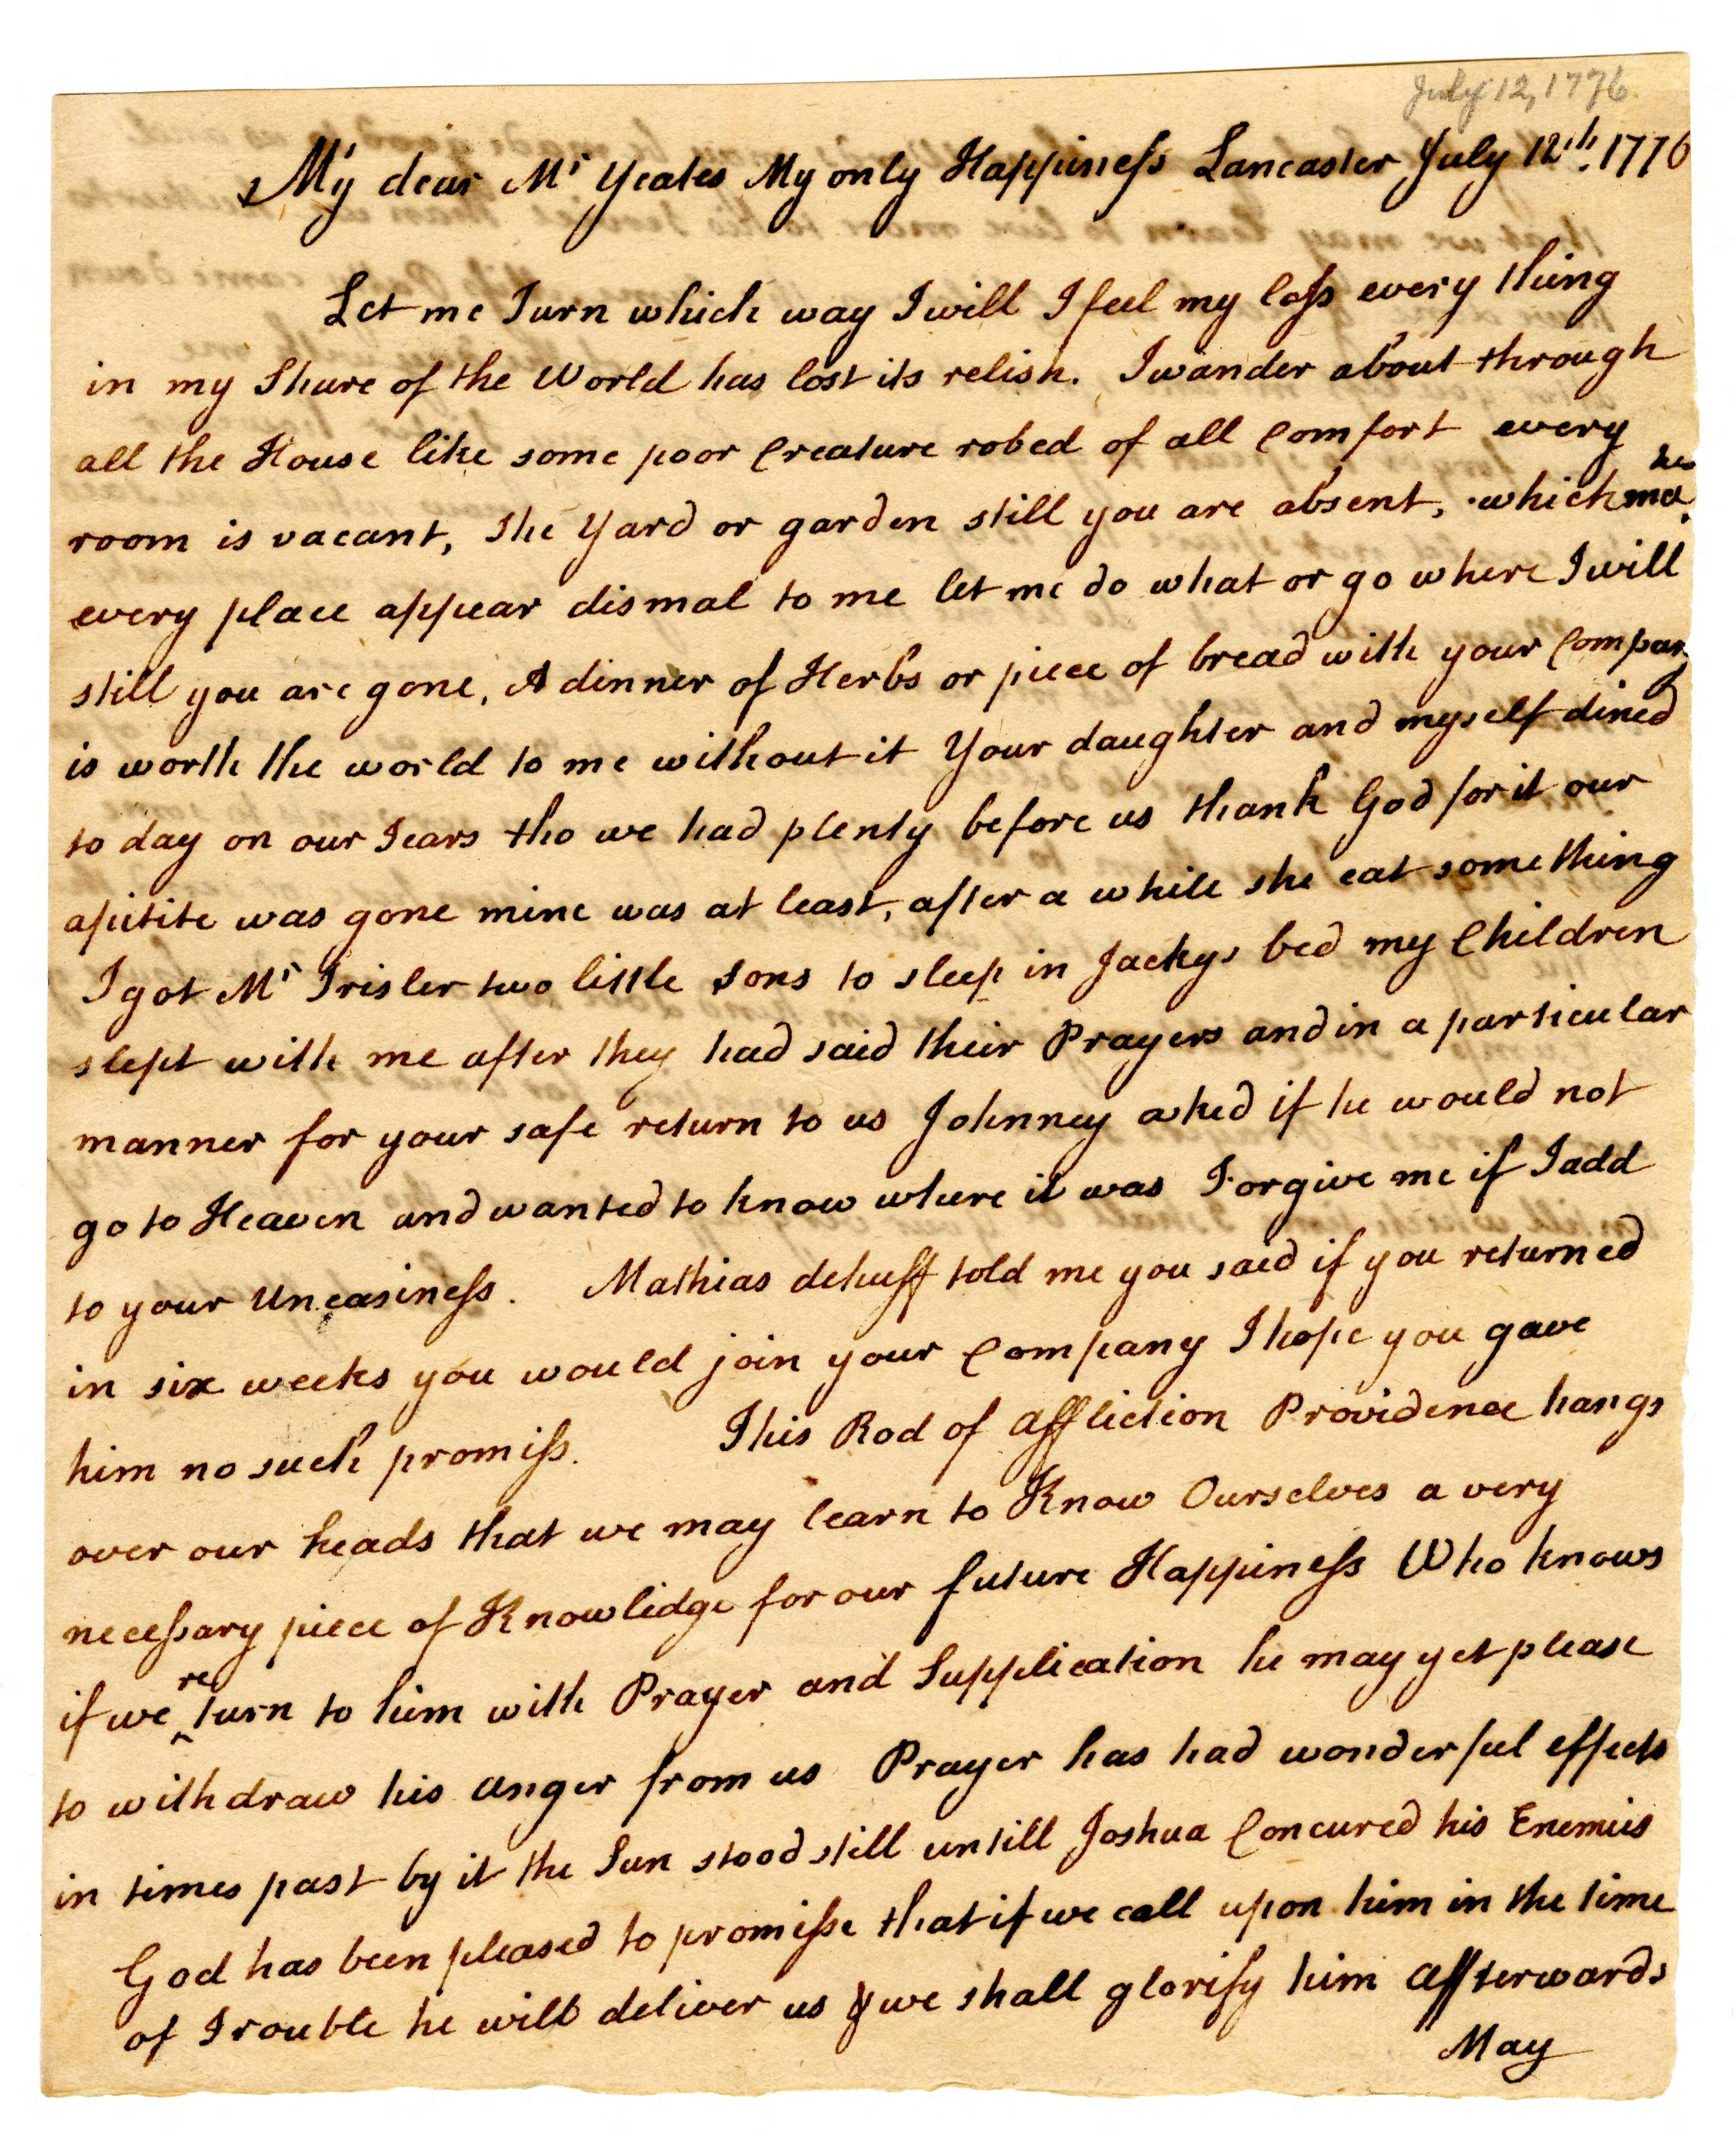My dear M^r Yeates My only Happiness Lancaster July 12^th. 1776
Let me Turn which way I will I feel my loss every thing
in my Share of the World has lost its relish. I wander about through
all the House like some poor creature robed of all comfort every
kes
room is vacant, the yard or garden still you are absent, which ma^
every place appear dismal to me let me do what or go where I will
still you are gone. A dinner of Herbs or piece of bread with your Company
is worth the world to me without it Your daughter and myself dined
to day on our Tears tho we had plenty before us thank God for it our
apitite was gone mine was at least, after a while she eat some thing
I got M^r Trisler two little sons to sleep in Jackys bed my Children
slept with me after they had said their Prayers and in a particular
manner for your safe return to us Johnney asked if he would not
go to Heaven and wanted to know where it was Forgive me if I add
to your Uneasiness. Mathias dearest told me you said if you returned
in six weeks you would join your Compiany I hope you gave
him no such promiss. This Rod of affliction Providence hangs
over our heads that we may learn to Know Ourselves a very
necessary piece of Knowlidge for our future Happiness Who knows
re
if we ^turn to him with Prayer and Supplication he may yet please
to withdraw his anger from us Prayer has had wonderful effects
in times past by it the Sun stood still untill Joshua Concured his Enemies
God has been pleased to promisse that if we call upon him in the time
of trouble he will deliver us & we shall glorify him affterwards
May